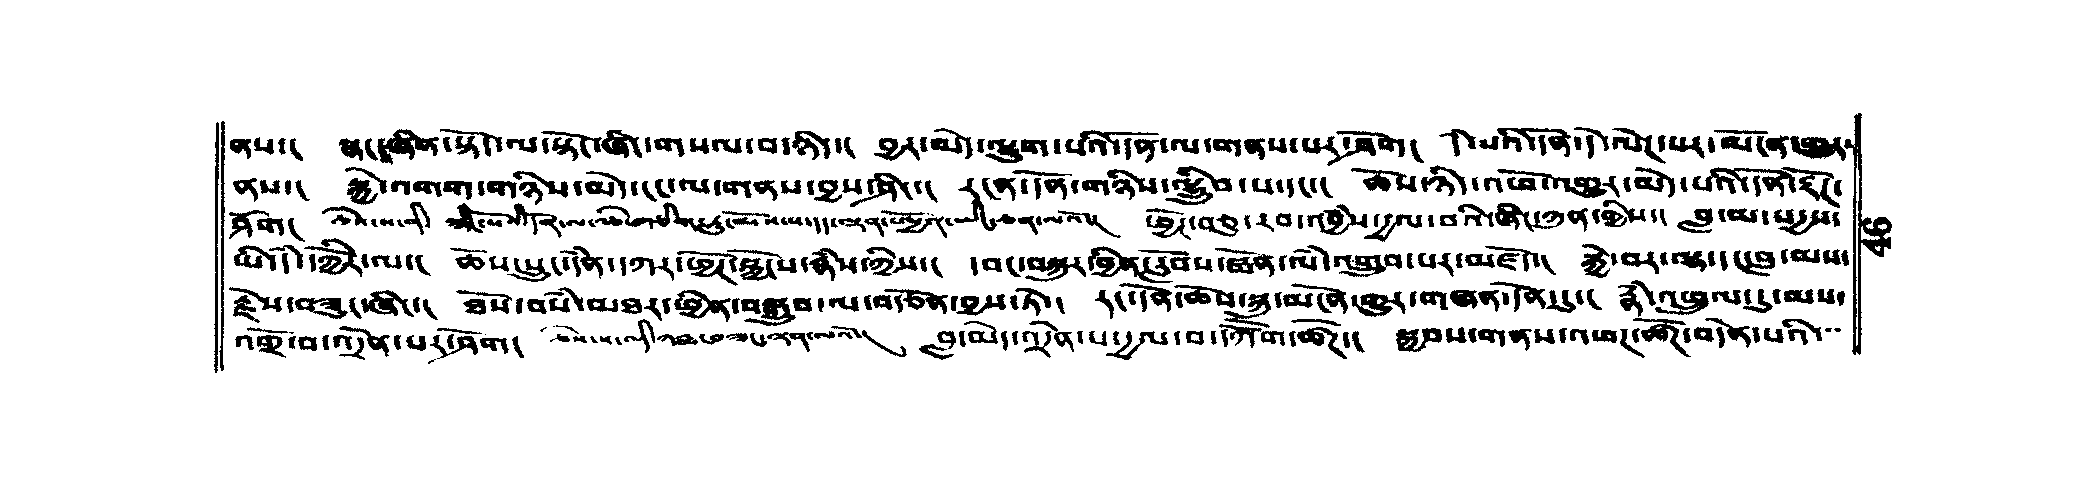ནས། །སྣང་བཞིན་སྟོང་ལ་སྟོང་ཞིང་གསལ་བ་ཉིད། །བྱར་མེད་ལྷུག་པའི་དོན་ལ་གནས་པར་ཤོག །དམ་པའི་དོན་དེ་ལེགས་པར་མངོན་གྱུར་
ནས། །སྐྱེ་འགག་གཉིས་མེད་ངང་ལ་གནས་བྱས་ཤིང་། །རང་གཞན་དོན་གཉིས་ལྷུན་གྱིས་གྲུབ་པ་དང་། །ཆོས་ཉིད་འཕོ་འགྱུར་མེད་པའི་དོན་རྟོགས་
ཤོག ཅེས་པ་ནི་སྙིང་པོའི་དོན་ལ་རྩེ་གཅིག་ཏུ་མོས་པ་དད་ལྡན་ཨོ་རྒྱན་མིང་ཅན་ལའོ།། ཕྱོགས་བཅུ་རབ་འབྱམས་རྒྱལ་བའི་ཞིང་ཀུན་གྱིས། །བླ་མ་སངས་རྒྱས་
ཡི་དམ་དཀྱིལ་འཁོར་ལ། །ཆོས་སྲུང་དམ་ཅན་དཀར་ཕྱོགས་སྐྱོང་རྣམས་ཀྱིས། །དབང་བསྐུར་བྱིན་རླབས་སྨོན་ལམ་འགྲུབ་པར་མཛོད། །སྐྱེ་བར་ལྷ་དང་བླ་མས་
རྗེས་བཟུང་ཞིང་། །ཐོས་བསམ་མཐར་ཕྱིན་བསྒྲུབ་ལ་བརྩོན་བྱས་ཏེ། །རང་དོན་ཆོས་སྐུ་མངོན་གྱུར་གཞན་དོན་དུ། །རྣམ་འཕྲུལ་དུ་མས་
འགྲོ་བ་འདྲེན་པར་ཤོག ཅེས་པ་འདི་ཀརྨ་བཟང་ལྡན་ལའོ།། བླ་མེད་འདྲེན་པ་རྒྱལ་བ་དཀོན་མཆོག་ཚོགས། །སྐྱབས་གནས་འཕགས་ཚོགས་བདེན་པའི་